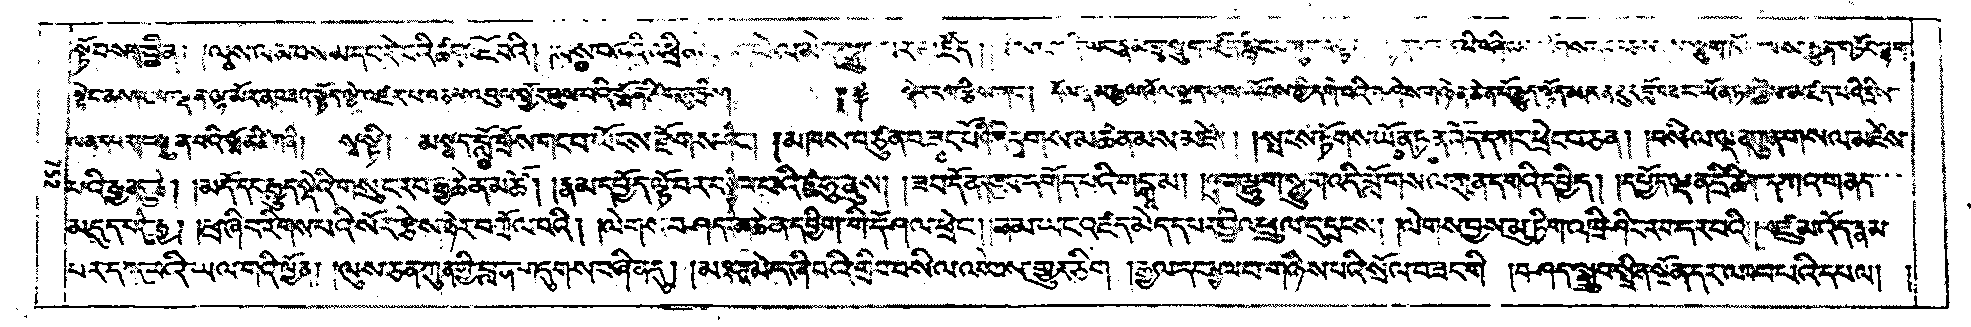སྟོབས་སུ་སྨིན། །ལས྾་ལམ་བསམ་དང་རེ་བའི་ཚད་འཇོ་བའི། །ལས྾་བཞིའི་འཕྲིན་ལས་གཡེལ་མེད་སྒྲུབ་པར་མཛོད། །ཅེས་པ་འདི་ཡང་རྣམ་གྲྭ་སྦུག་མཛོད་རྙིང་པ་ཐུབ་བསྟན་བསྟན་པ་ཅན་མི་བཞི་ལས་རོགས་དང་བཅས་ནས་སྦུག་ཁོངས་ལས་རྒྱུན་གཏོང་ལྷག་
སྟེང་ནས་དཔལ་ལྡན་ལྷ་མོར་ན་བཟའ་སྟོད་ལྷེ་འཛར་པ་བཅས་འབུལ་སྦྱོར་ཞུས་པའི་སྨོན་ཚིག་ཏུ་བྲིས།། །། ༈ སྒེར་རག་རྩིབ་པ་དང་། དོལ་རྣམ་རྒྱལ་ཞོལ་སྨད་པ་ནས་ཡོངས་ཀྱི་དགེ་བའི་བཤེས་གཉེན་ཆེན་པོ་རྒྱུད་སྟོད་མཁན་ཟུར་བློ་བཟང་ཡོན་ཏན་གྱིས་མཛད་པའི་དྲིས་
ལན་དཔར་དུ་བསྐྲུན་པའི་སྨོན་ཚིག་ནི། སྭ་སྟི། མ་སྨད་བློ྾་གྲོས་གང་བ་ཡོངས་རྫོགས་ཤིང་། །མཁས་བཙུན་བཟང྾་པོའི་རི་དྭགས་མཚན་མས་མཛེས། །སྤངས་རྟོགས་ཡོན྾་ཏན྾་འོད་དཀར་ཕྲེང་བ་ཅན། །བསིལ་ལྡན་ཀུན་གསལ་མཛེས་
པའི་རྒྱན་དུ་ཆེ། །མདོ་དང་རྒྱུད་སྡེའི་གསུང་རབ་རྒྱ་ཆེན་མཚོ། །རྣམ་དཔྱོད་ལྟོ་བར་བསྐྱིལ་བའི་ཛ་ཧུ་ནུས། །ཟབ་དོན་དབུ་བ་དགོད་པའི་གངྒཱ་མ། །ལྷུག་ལྷུག་སྐྱུག་འདི་བློ་གསལ་ཀུན་དགའི་དཔྱིད། །དཔྱོད་ལྡན་དྲི་ཚིག་དཀའ་གནད་
མདུད་པའི་རྒྱ། །ཕྲ་ཞིབ་རིགས་པའི་སོར་རྩེས་ཉེར་བཀྲོལ་བའི། །ལེགས་བཤད་རིན་ཆེན་དབྱིག་གི་དོ་ཤལ་ཕྲེང་། །ནམ་ཡང་འཛད་མེད་དཔར་གྱི་འཕྲུལ་དུ་དྲངས། །ལེགས་བྱས་མུ་ཏིག་འཁྲི་ཤིང་རབ་དར་བའི། །འཛུམ་འོད་རྣམ་
པར་དཀར་བའི་ཡལ་གའི་ཁྱོན། །ལུས་ཅན་ཀུན་གྱི་བླ་ན་གདུགས་བཞིན་དུ། །མཐའ་མེད་ཞི་བའི་གྲིབ་བསིལ་འབེབས་གྱུར་ཅིག །རྒྱལ་དང་རྒྱལ་བ་གཉིས་པའི་སྲོལ་བཟང་གི །བཤད་སྒྲུབ་སྤྲིན་སྔོན་དར་ལ་བབ་པའི་དཔལ། །